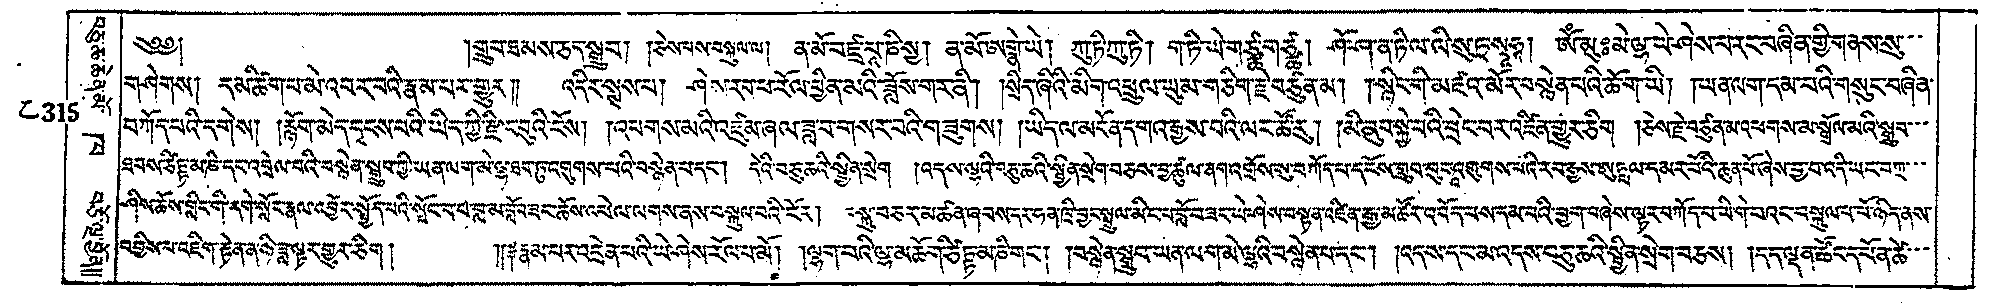༄༅། །གྲུབ་ཐམས་ཅད་སྒྲུབ། །ཅེས་པས་བསྐུལ་ལ།  ན་མོ་བཛྲ་པཱ་ཎི་སྱ། ན་མོ་ཨགནེ་ཡེ། ཀུ་ཏི་ཀུ་ཏི། ག་ཏི་ཡེ་གཙྪ་གཙྪ། ཤོ་ཤ་ན་ཏི་ལ་ལི་སུ་ཏྲ་སྭཱཧཱ། ཨོཾ་མུཿམེ་ལྷ་ཡེ་ཤེས་པ་རང་བཞིན་གྱི་གནས་སུ་་་
གཤེགས། དམ་ཚིག་པ་མེ་འབར་བའི་རྣམ་པར་གྱུར།། འདིར་སྨྲས་པ། ཤེས་རབ་ཕ་རོལ་ཕྱིན་མའི་ཟློས་གར་ནི། །སྲིད་ཞིའི་མིག་འཕྲུལ་ཡུམ་གཅིག་རྗེ་བཙུན་མ། །སྙིང་གི་མཛའ་མོར་བསྙེན་པའི་ཆོ་ག་ཡི། །ཡན་ལག་དམ་པའི་གསུང་བཞིན་
བཀོད་པའི་དགེས། །རྙོག་མེད་དྭངས་པའི་ཡིད་ཀྱི་རྫིང་བུའི་ངོས། །འཕགས་མའི་འཛུམ་ཞལ་ཟླ་བ་གསར་བའི་གཟུགས། །ཡིད་ལ་མངོན་དགའ་རྒྱས་པའི་ལང་ཚོ་རུ། །མི་ནུབ་སྐྱེ་བའི་ཕྲེང་བར་འཛིན་གྱུར་ཅིག །ཅེས་རྗེ་བཙུན་མ་འཕགས་མ་སྒྲོལ་མའི་སྒྲུབ་་་
ཐབས་ཙིཏྟ་མ་ཎི་དང་འབྲེལ་བའི་བསྙེན་སྒྲུབ་ཀྱི་ཡན་ལག་མེ་ལྷ་ཐབ་ཏུ་འགུགས་པའི་བསྙེན་པ་དང་། དེའི་བཅུ་ཆའི་སྦྱིན་སྲེག །འདས་ལྷའི་བཅུ་ཆའི་སྦྱིན་སྲེག་བཅས་བྱ་ཚུལ་ནག་འགྲོས་སུ་བཀོད་པ་དངོས་གྲུབ་བུང་བ་འགུགས་པའི་རབ་རྒྱས་ཨུཏྤལ་དམར་པོའི་ཆུན་པོ་ཞེས་བྱ་བ་འདི་ཡང་བཀྲ་་་
ཤིས་ཆོས་གླིང་གི་དགེ་སློང་རྣལ་འབྱོར་སྤྱོད་པའི་སྤོང་བ་པ་བླ་མ་བློ་བཟང་ཆོས་འཕེལ་ལགས་ནས་བསྐུལ་བའི་ངོར། ༧་སྐུ་བཅར་མཚན་ཞབས་དར་ཧན་ཁྲི་བྱང་སྤྲུལ་མིང་པ་བློ་བཟང་ཡེ་ཤེས་བསྟན་འཛིན་རྒྱ་མཚོར་འབོད་པས་དམ་པའི་ཕྱག་བཞེས་ལྟར་བཀོད་པ་ཡི་གེ་པའང་བསྐུལ་པ་པོ་ཉིད་ནས་
བགྱིས་པ་འཇིག་རྟེན་ན་ཉི་ཟླ་ལྟར་གྱུར་ཅིག། །།༈ རྣམ་པར་འདྲེན་པའི་ཡེ་ཤེས་རོལ་པ་མོ། །ལྷག་པའི་ལྷ་མཆོག་ཙིཏྟ་མ་ཎི་གང་། །བསྙེན་སྒྲུབ་ཡན་ལག་མེ་ལྷའི་བསྙེན་པ་དང་། །འདས་དང་མ་འདས་བཅུ་ཆའི་སྦྱིན་སྲེག་བཅས། །དད་ལྡན་ཚོང་དཔོན་ཚེ་་་